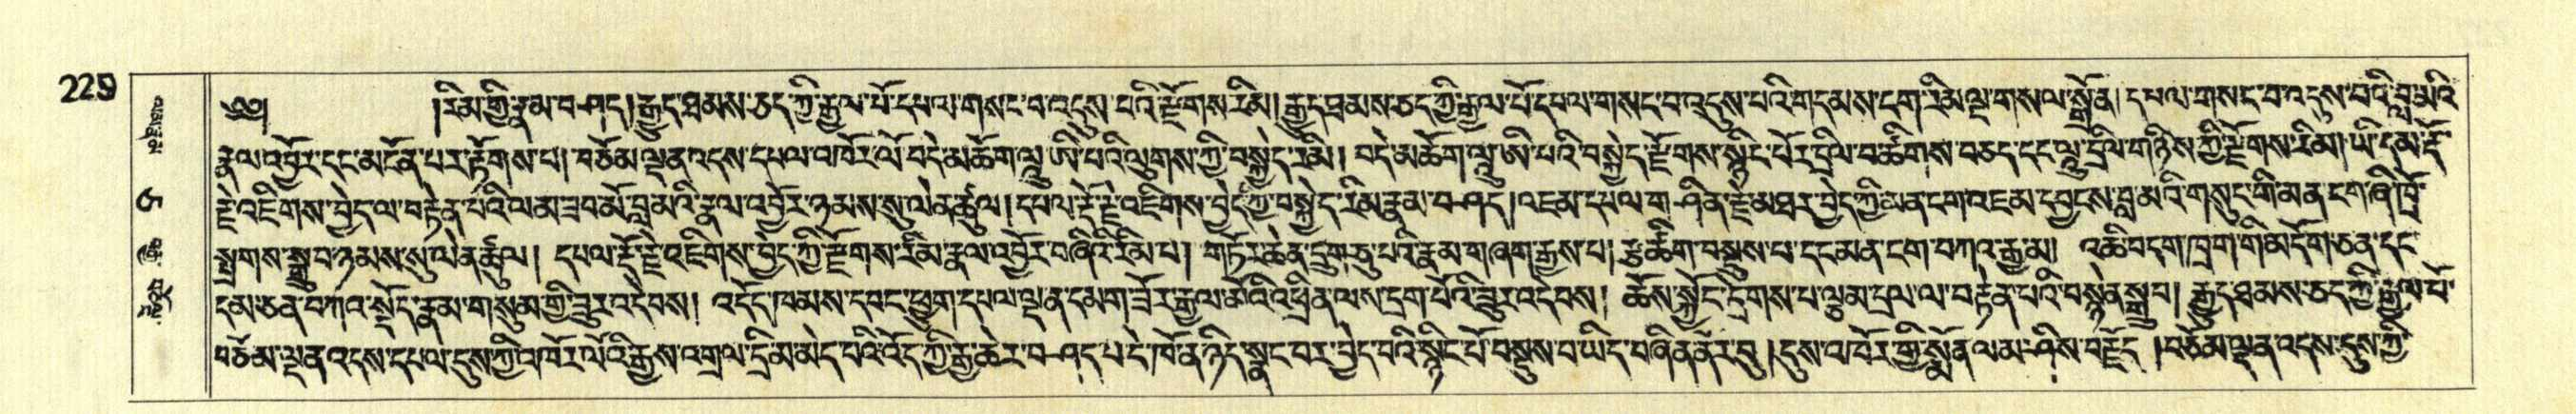༄༅། །རིམ་གྱི་རྣམ་བཤད། རྒྱུད་ཐམས་ཅད་ཀྱི་རྒྱལ་པོ་དཔལ་གསང་བ་འདུས་པའི་རྫོགས་རིམ། རྒྱུད་ཐམས་ཅད་ཀྱི་རྒྱལ་པོ་དཔལ་གསང་བ་འདུས་པའི་གདམས་ངག་རིམ་ལྔ་གསལ་སྒྲོན། དཔལ་གསང་བ་འདུས་པའི་བླ་མའི་
རྣལ་འབྱོར་དང་མངོན་པར་རྟོགས་པ། བཅོམ་ལྡན་འདས་དཔལ་འཁོར་ལོ་བདེ་མཆོག་ལཱུ་ཨི་པའི་ལུགས་ཀྱི་བསྐྱེད་རིམ། བདེ་མཆོག་ལཱུ་ཨི་པའི་བསྐྱེད་རྫོགས་སྙིང་པོར་དྲིལ་བ་ཚིགས་བཅད་དང་ལཱུ་དྲིལ་གཉིས་ཀྱི་རྫོགས་རིམ། ཡི་དམ་རྡོ་
རྗེ་འཇིགས་བྱེད་ལ་བརྟེན་པའི་ལམ་ཟབ་མོ་བླ་མའི་རྣལ་འབྱོར་ཉམས་སུ་ལེན་ཚུལ། དཔལ་རྡོ་རྗེ་འཇིགས་བྱེད་ཀྱི་བསྐྱེད་རིམ་རྣམ་བཤད། འཇམ་དཔལ་གཤིན་རྗེ་མཐར་བྱེད་ཀྱི་མན་ངག་འཇམ་དབྱངས་བླ་མའི་གསུང་གི་མན་ངག་ཞི་ཁྲོ་
སྤྲགས་སྒྲུབ་ཉམས་སུ་ལེན་ཚུལ། དཔལ་རྡོ་རྗེ་འཇིགས་བྱེད་ཀྱི་རྫོགས་རིམ་རྣལ་འབྱོར་བཞིའི་རིམ་པ། གཏོར་ཆེན་དྲུག་ཅུ་པའི་རྣམ་གཞག་རྒྱས་པ། རྩ་ཚིག་བསྡུས་པ་དང་མན་ངག་བཀའ་རྒྱ་མ། འཆི་བདག་ཁྲག་གི་མདོག་ཅན་དང་
དམ་ཅན་བཀའ་སྡོད་རྣམ་གསུམ་གྱི་ཟུར་འདེབས། འདོད་ཁམས་དབང་ཕྱུག་དཔལ་ལྡན་དམག་ཟོར་རྒྱལ་མོའི་འཕྲིན་ལས་དྲག་པོའི་ཟུར་འདེབས། ཆོས་སྐྱོང་དྲེགས་པ་ལྕམ་དྲལ་ལ་བརྟེན་པའི་བསྙེན་སྒྲུབ། རྒྱུད་ཐམས་ཅད་ཀྱི་རྒྱལ་པོ་
བཅོམ་ལྡན་འདས་དཔལ་དུས་ཀྱི་འཁོར་ལོའི་རྒྱས་འགྲལ་དྲི་མ་མེད་པའི་འོད་ཀྱི་རྒྱ་ཆེར་བཤད་པ་དེ་ཁོ་ན་ཉིད་སྣང་བར་བྱེད་བའི་སྙིང་པོ་བསྡུས་པ་ཡིད་བཞིན་ནོར་བུ། དུས་འཁོར་གྱི་སྨོན་ལམ་ཤིས་བརྗོད། བཅོམ་ལྡན་འདས་དུས་ཀྱི་